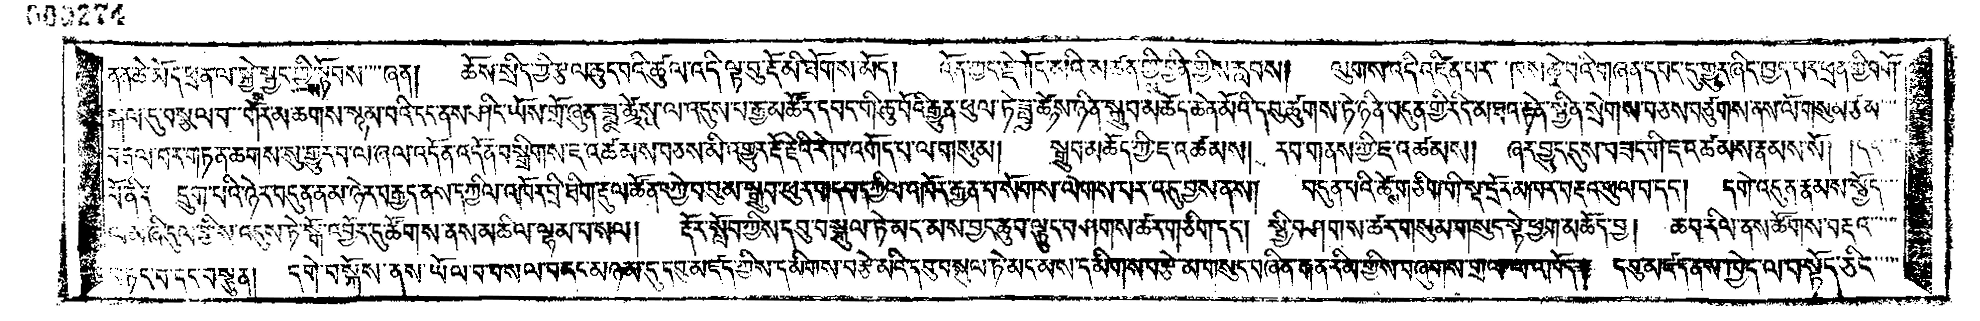ནན་ཆེ་མོད་ཕྲན་ལ་སྐྱེ་སྦྱང་ཀྱིས་སྟོབས་ཞན། ཆོས་སྲིད་ཀྱི་རྩལ་ཆུང་བའི་ཚུལ་འདི་ལྟ་བུ་རྡོ་མི་ཐོགས་མོད། འོན་ཀྱང་རྗེ་གོང་མའི་མཚན་གྱིས་བྱིན་གྱིས་རླབས། ལུགས་འདི་འཛིན་པར་ཁས་ཆེ་བའི་གཞན་དབང་དུ་གྱུར་ཞིང་ཁྱད་པར་ཕྲན་གྱི་བགོ་
སྐལ་དུ་བསྩལ་བ་གོར་མ་ཆགས་སྙམ་པའི་ངང་ནས་ཤིང་ཡོས་གྲོ་ཞུན་ཟླ ༦་ཚེས ༢༥་ལ་འདུས་པ་རྒྱ་མཚོར་དབང་གི་ཆུ་བོའི་རྒྱུན་ཕུལ་ཏེ་ཟླ ༧་ཚེས ༡་ཉིན་སྒྲུབ་མཆོད་ཆེན་མོའི་དབུ་ཚུགས་ཏེ་ཉིན་བདུན་གྱི་རིང་མཐའ་རྟེན་སྦྱིན་སྲེགས་བཅས་བཙུགས་ནས་ལོ་གསུམ་ཙམ་
བརྒལ་བར་གཏན་ཆགས་སུ་གྱུར་བ་ལ་ཞལ་འདོན་འདོན་བསྒྲིགས་ཇ་འཚམས་བཅས་མི་འགྱུར་རྡོ་རྗེའི་རེ་ཁ་འགོད་པ་ལ་གསུམ། སྒྲུབ་མཆོད་ཀྱི་ཇ་འཚམས། རབ་གནས་ཀྱི་ཇ་འཚམས། ཞར་བྱུང་དུས་བཟང་གི་ཇ་འཚམས་རྣམས་སོ། །དང་
པོ་ནི། དྲུག་པའི་ཉེར་བདུན་ནམ་ཉེར་བརྒྱད་ནས་དཀྱིལ་འཁོར་བྲི་ཐིག་རྡུལ་ཚོན་བཀྱེ་བ་བུམ་སྒྲུབ་ཕུར་གདབ་དཀྱིལ་འཁོར་རྒྱན་པ་སོགས་ལེགས་པར་འདུ་བྱས་ནས། བདུན་པའི་ཚེས་གཅིག་གི་སྔ་དྲོར་མཁར་བརྡའ་ཕུལ་བ་དང་། དགེ་འདུན་རྣམས་སྤྱོད་
ལམ་ཞི་དུལ་གྱིས་འདུས་ཏེ་སྒོ་འབྱོར་དུ་ཚོགས་ནས་མཆིལ་ལྷམ་པ་སལ། རྡོར་སློབ་ཀྱིས་དབུ་བསྐུལ་ཏེ་མང་མས་བྱང་ཆུབ་ལྟུང་བཤགས་ཚར་གཅིག་དང་། སྤྱི་བཤགས་ཚར་གསུམ་གསུང་སྟེ་ཕྱག་མཆོད་བྱ། ཆབ་རིལ་ནས་ཚོགས་བརྡའ་
བཏང་བ་དང་བསྟུན། དགེ་བསྐོས་ནས་ཡོལ་བ་བསལ་བ་དང་མཉམ་དུ་དབུ་མཛད་ཀྱིས་དམིགས་བརྩེ་མའི་དབུ་བསྐུལ་ཏེ་མང་མས་དམིགས་བརྩེ་མ་གསུང་བཞིན་རྒན་རིམ་གྱིས་བཞུགས་གྲལ་ལ་འཁོད། དབུ་མཛད་ནས་ཁྱེད་ལ་བསྟོད་ཅིང་